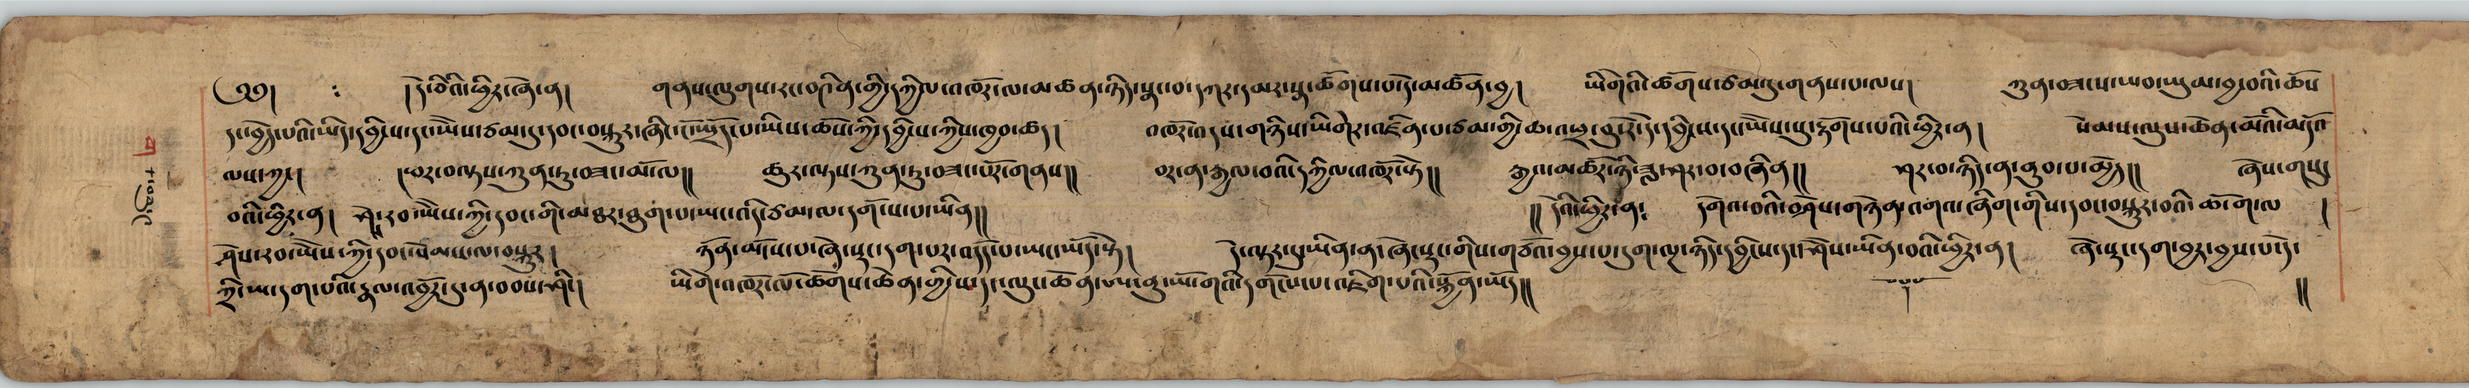༄༅། །དེ་ཅིའི་ཕྱིར་ཞེ་ན། གནས་ལུགས་རང་བཞིན་གྱི་དཀྱིལ་འཁོར་མཚན་ཉིད་སྣང་བ་དཀར་དམར་སྣ་ཚོགས་པ་དེ་མཚོན་བྱ། ཡིགེའི་ཚོགས་ཙམ་དུ་གནས་པ་ལས། ཀུན་བཟང་ཡབ་ཡུམ་བྱ་བའི་ཆོས
དང་བྱེད་པའི་ཡིད་དབྱིངས་དང་ཡཻས་ཙམ་དུ་དབང་བསྐུར་ཞིང་ངོ་སྤྲོད་པ་ཡིས་ཆོས་ཀྱིས་ཁྱབ་ཚད། འཁོར་འདས་གཉིས་ཡིགེར་འཛིན་པ་ཙམ་གྱི་ཆ འཕྲ་བུ་རེ་དེ་དབྱིངས་དང་ཡཻས་སུ་རྟོགས་པའི་ཕྱིར་ན། སེམས་ལུས་ཆེན་མོའི་མདོའ
ལས་ཀྱང། །ཕར་བལྟས་ཀུན་ཏུ་བཟང་མོ་ལ།། ཚུར་ལྟས་ཀུན་ཏུ་བཟང་པོར་གནས།། བར་ན་རྒྱལ་བའི་དཀྱིལ་འཁོར་སྟེ།། རྒྱའ་མཚོར་ཉི་ཟླ་ཤར་བ་བཞིན།། ཤར་བ་ཉིད་ན་ནུབ་པ་མྱེད།། ཞེས་གསུང
བའི་ཕྱིར་ན། ཤེ་རབ་ཡཻས་ཀྱི་དབང་གི་མཐར་ཐཱུག་པ་ཡང་འདི་ཙམ་ལ་དགོངས་པ་ཡིན།། །།དེའི་ཕྱིར་ན༴ དགེའ་བའི་བཤེས་གཉེན་འགའ་ཞིག་གིས་དབང་བསྐུར་བའི་ཆོ་ག་ལ
ཤེས་རབ་ཡཻས་ཀྱི་དབང་སེམས་ལ་བསྐུར། ཉོན་མོངས་པ་ཞེ་སྡང་དག་པར་འདོད་པ་ཡང་ཡོད་སྟེ། དེ་ལྟར་དུ་ཡིན་ན་ཞེ་སྡང་གིས་གཙོའ་བྱས་པ་དུག་ལྔ་ཉིད་དབྱིངས་དང་ཤཻས་ཡིན་བའི་ཕྱིར་ན། ཞེ་སྡང་དག་བྱར་བྱས་པ་དེ་
ཀྲི་ཡ་དག་པའི་རྣལ་འབྱོར་དུ་ན་བབས་ཤིང། ཡིགེ་འཁོར་ལོ་ཚོགས་ཆེན་གྱི་ས་དང་ལུང་ཆེན་ཨ་ནུ་ཡོ་གའི་དགོངས་པ་འཇིག་པའི་སྐྱོ